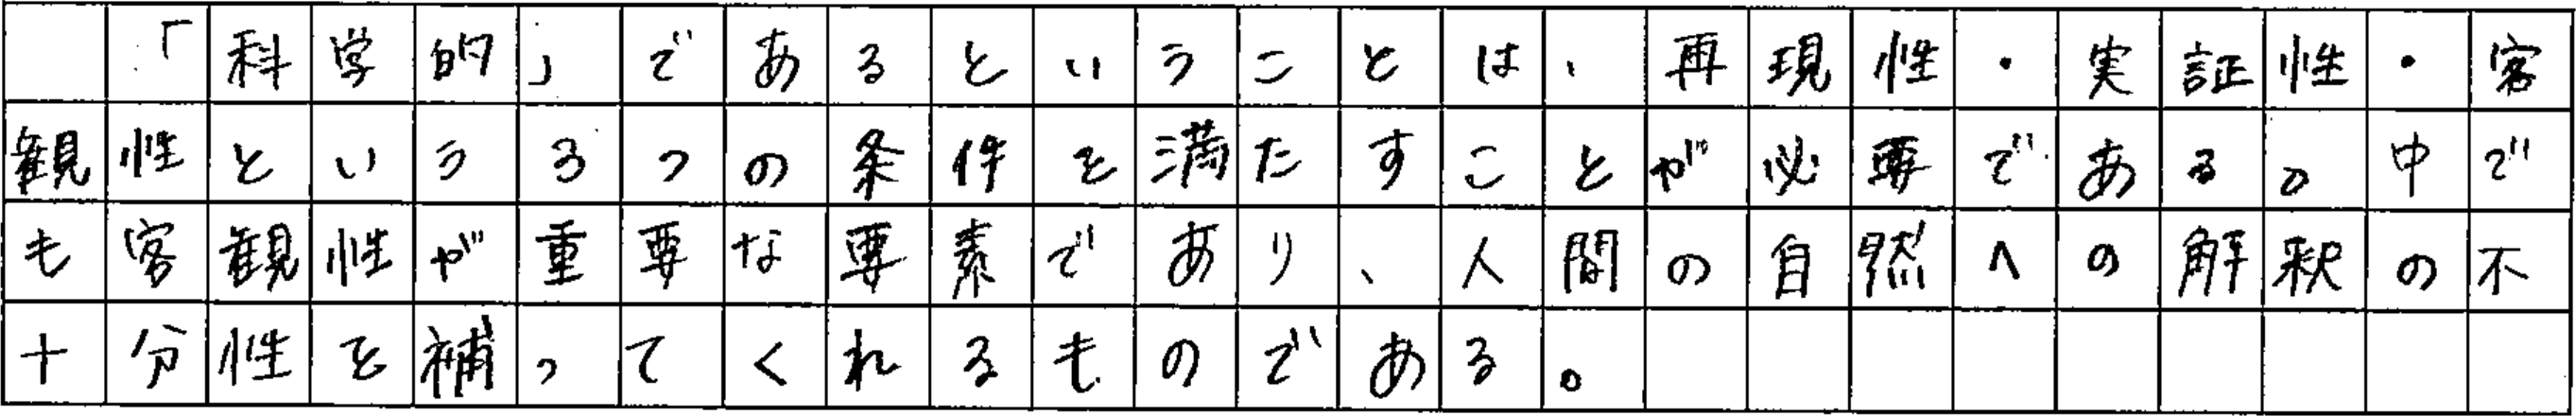　「科学的」であるということは、再現性・実証性・客観性という３つの条件を満たすことが必要である。中でも客観性が重要な要素であり、人間の自然への解釈の不十分性を補ってくれるものである。
